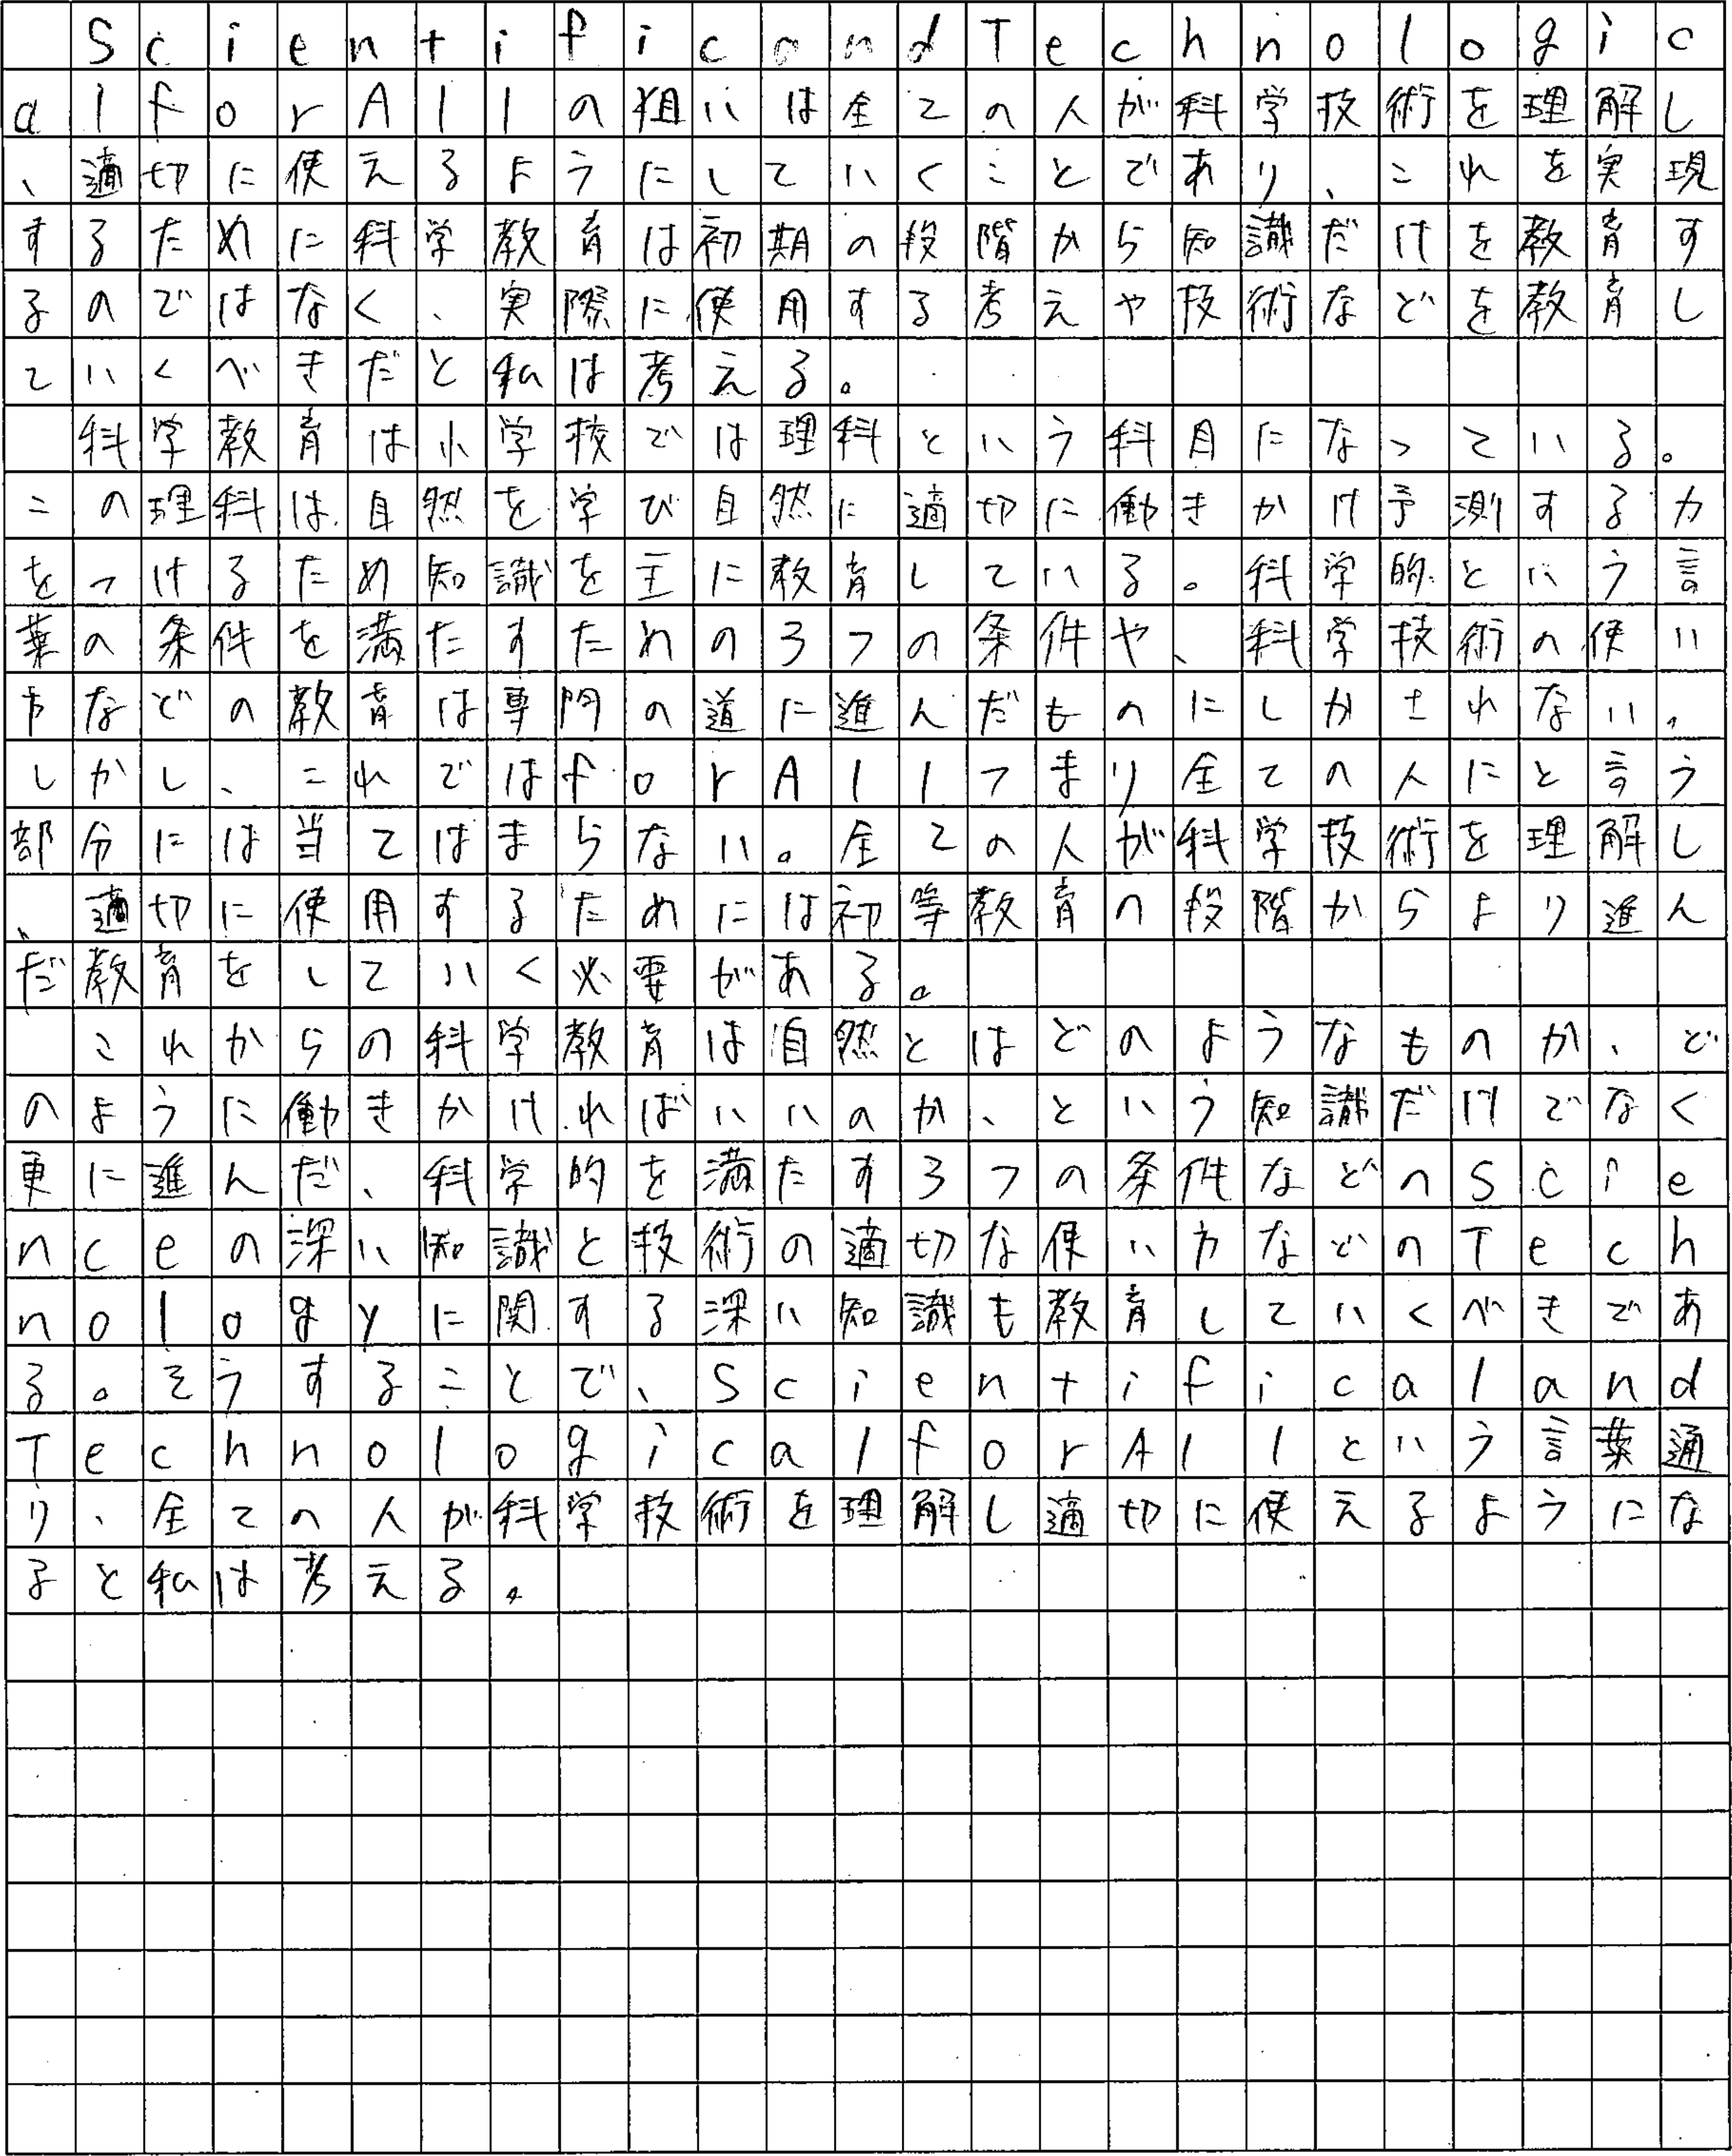　ＳｃｉｅｎｔｉｆｉｃａｎｄＴｅｃｈｎｏｌｏｇｉｃａｌｆｏｒＡｌｌの狙いは全ての人が科学技術を理解し、適切に使えるようにしていくことであり、これを実現するために科学教育は初期の段階から知識だけを教育するのではなく、実際に使用する考えや技術などを教育していくべきだと私は考える。
　科学教育は小学校では理科という科目になっている。この理科は自然を学び自然に適切に働きかけ予測する力をつけるため知識を主に教育している。科学的という言葉の条件を満たすための３つの条件や、科学技術の使い方などの教育は専門の道に進んだものにしかされない。しかし、これではｆｏｒＡｌｌつまり全ての人にと言う部分には当てはまらない。全ての人が科学技術を理解し、適切に使用するためには▁等教育の段階からより進んだ教育をしていく必要がある。
　これからの科学教育は自然とはどのようなものか、どのように働きかければいいのか、という知識だけでなく更に進んだ、科学的を満たす３つの条件などのＳｃｉｅｎｃｅの深い知識と技術の適切な使い方などのＴｅｃｈｎｏｌｏｇｙに関する深い知識も教育していくべきである。そうすることで、ＳｃｉｅｎｔｉｆｉｃａｌａｎｄＴｅｃｈｎｏｌｏｇｉｃａｌｆｏｒＡｌｌという言葉通り、全ての人が科学技術を理解し適切に使えるようになると私は考える。
